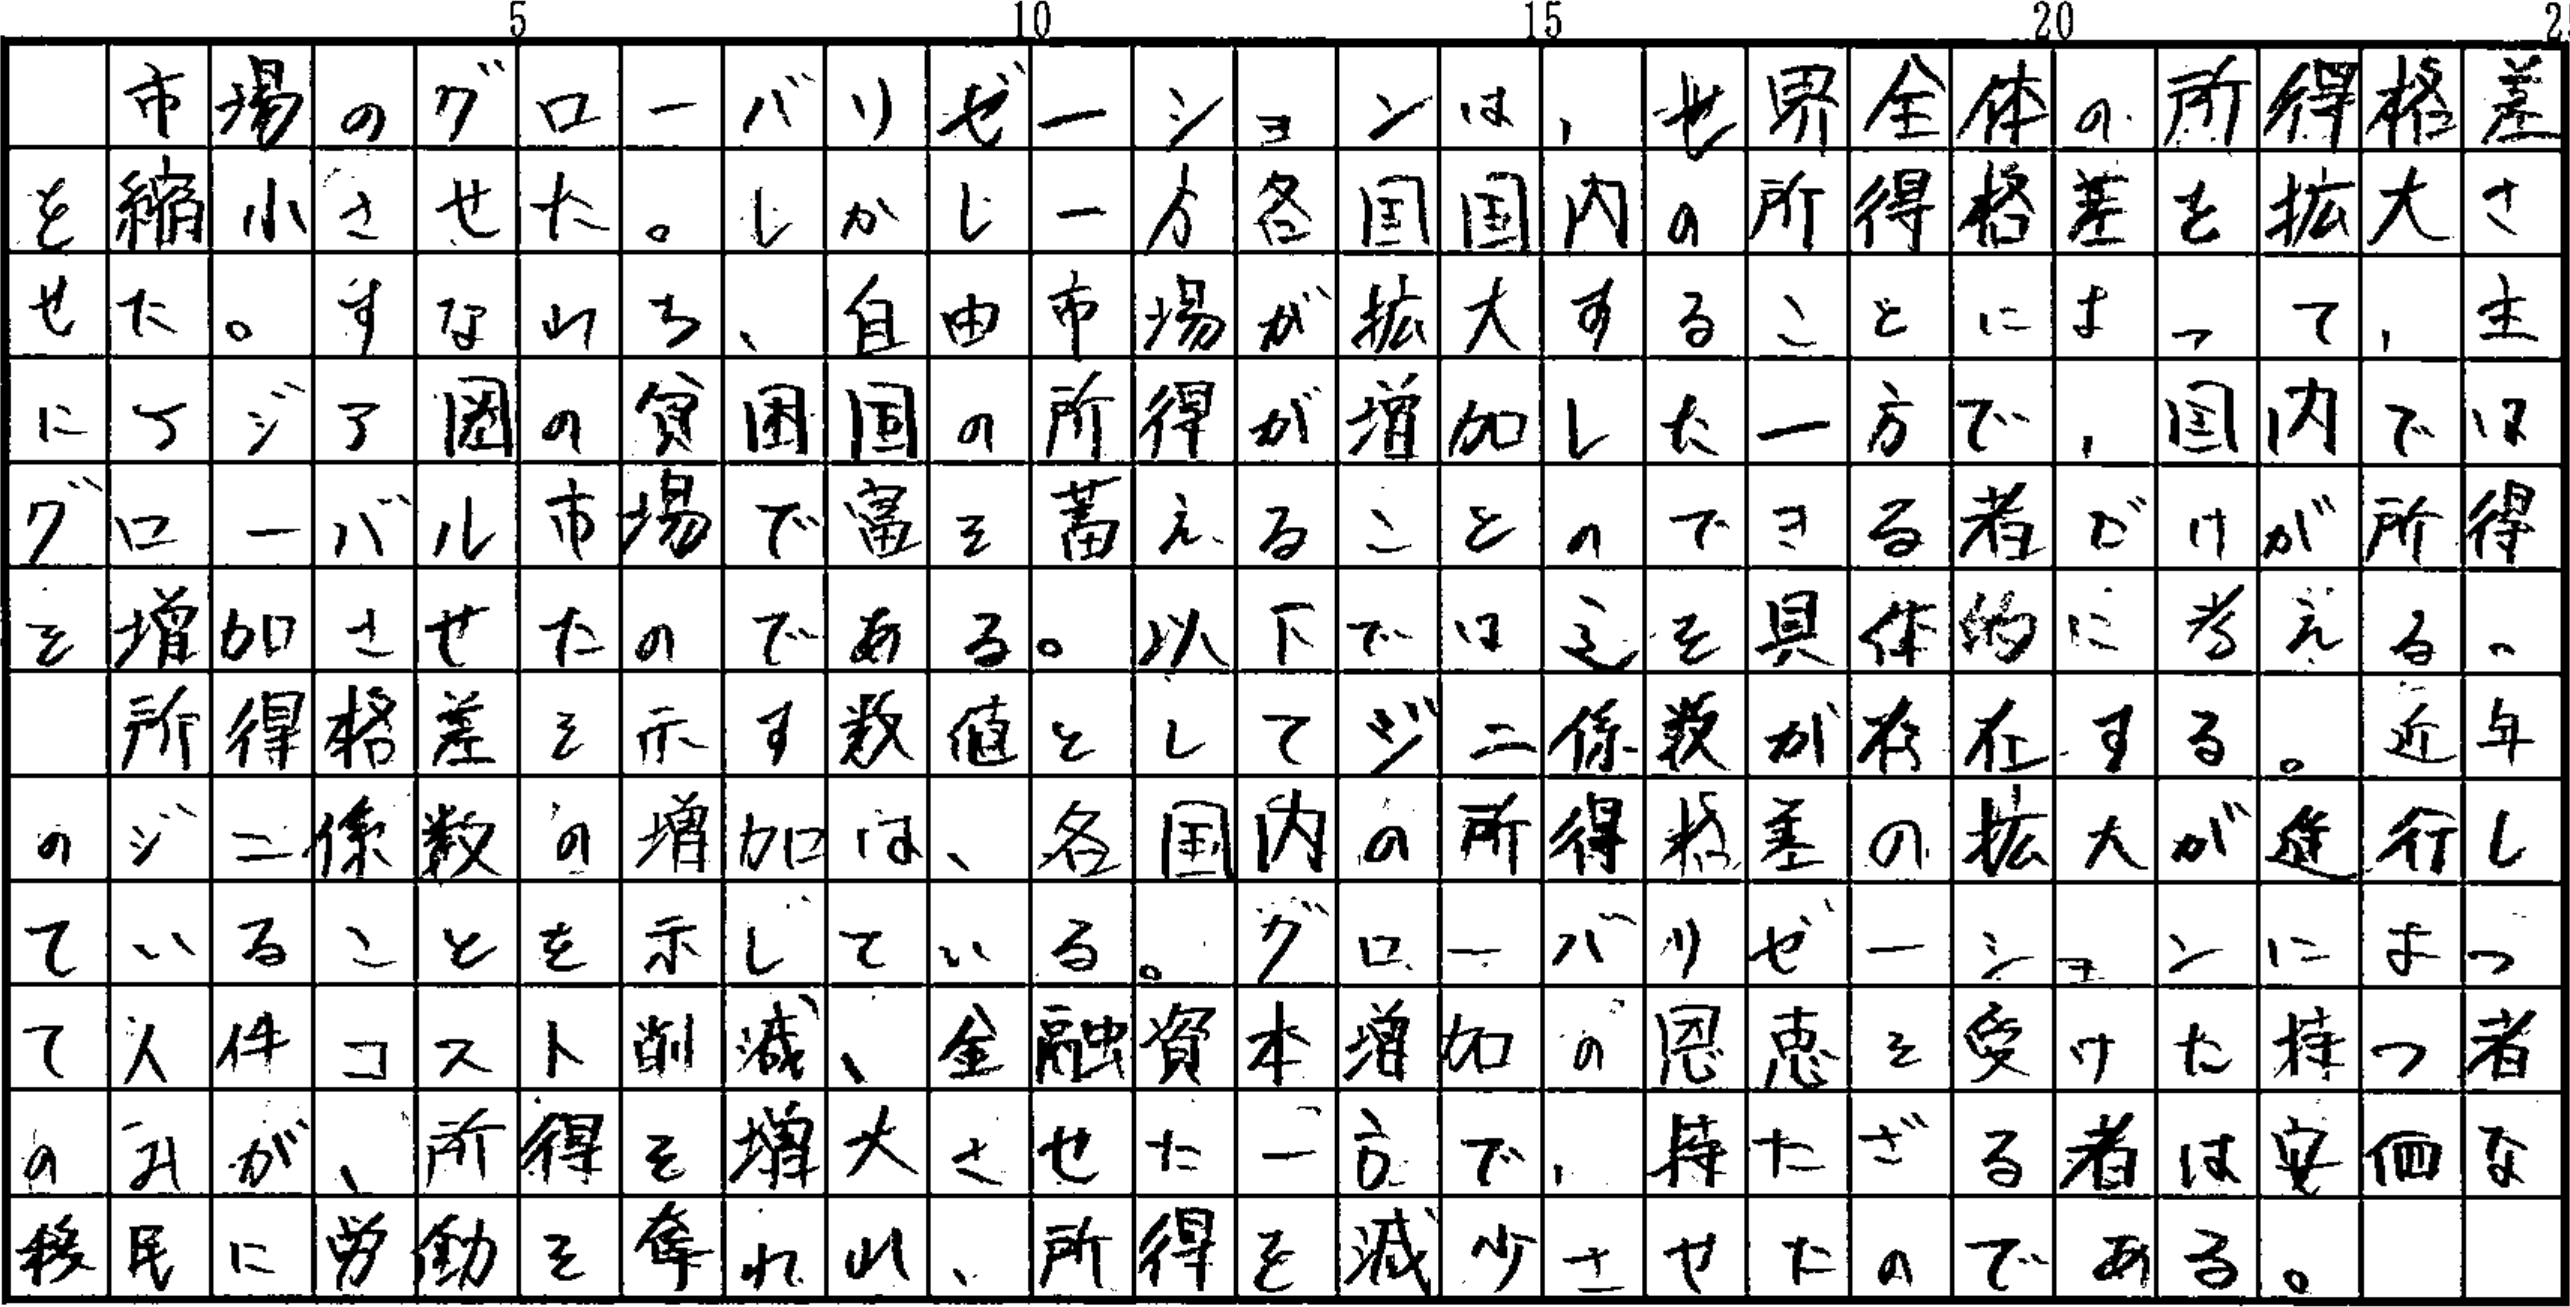　市場のグローバリゼーションは、世界全体の所得格差を縮小させた。しかし一方各国国内の所得格差を拡大させた。すなわち、自由市場が拡大することによって、主にアジア圏の貧困国の所得が増加した一方で、国内ではグローバル市場で富を蓄えることのできる者だけが所得を増加させたのである。以下では之を具体的に考える。
　所得格差を示す数値としてジニ係数が存在する。近年のジニ係数の増加は、各国内の所得格差の拡大が進行していることを示している。グローバリゼーションによって人件コスト削減、金融資本増加の恩恵を受けた持つ者のみが、所得を増大させた一方で、持たざる者は安価な移民に労働を奪われ、所得を減少させたのである。
